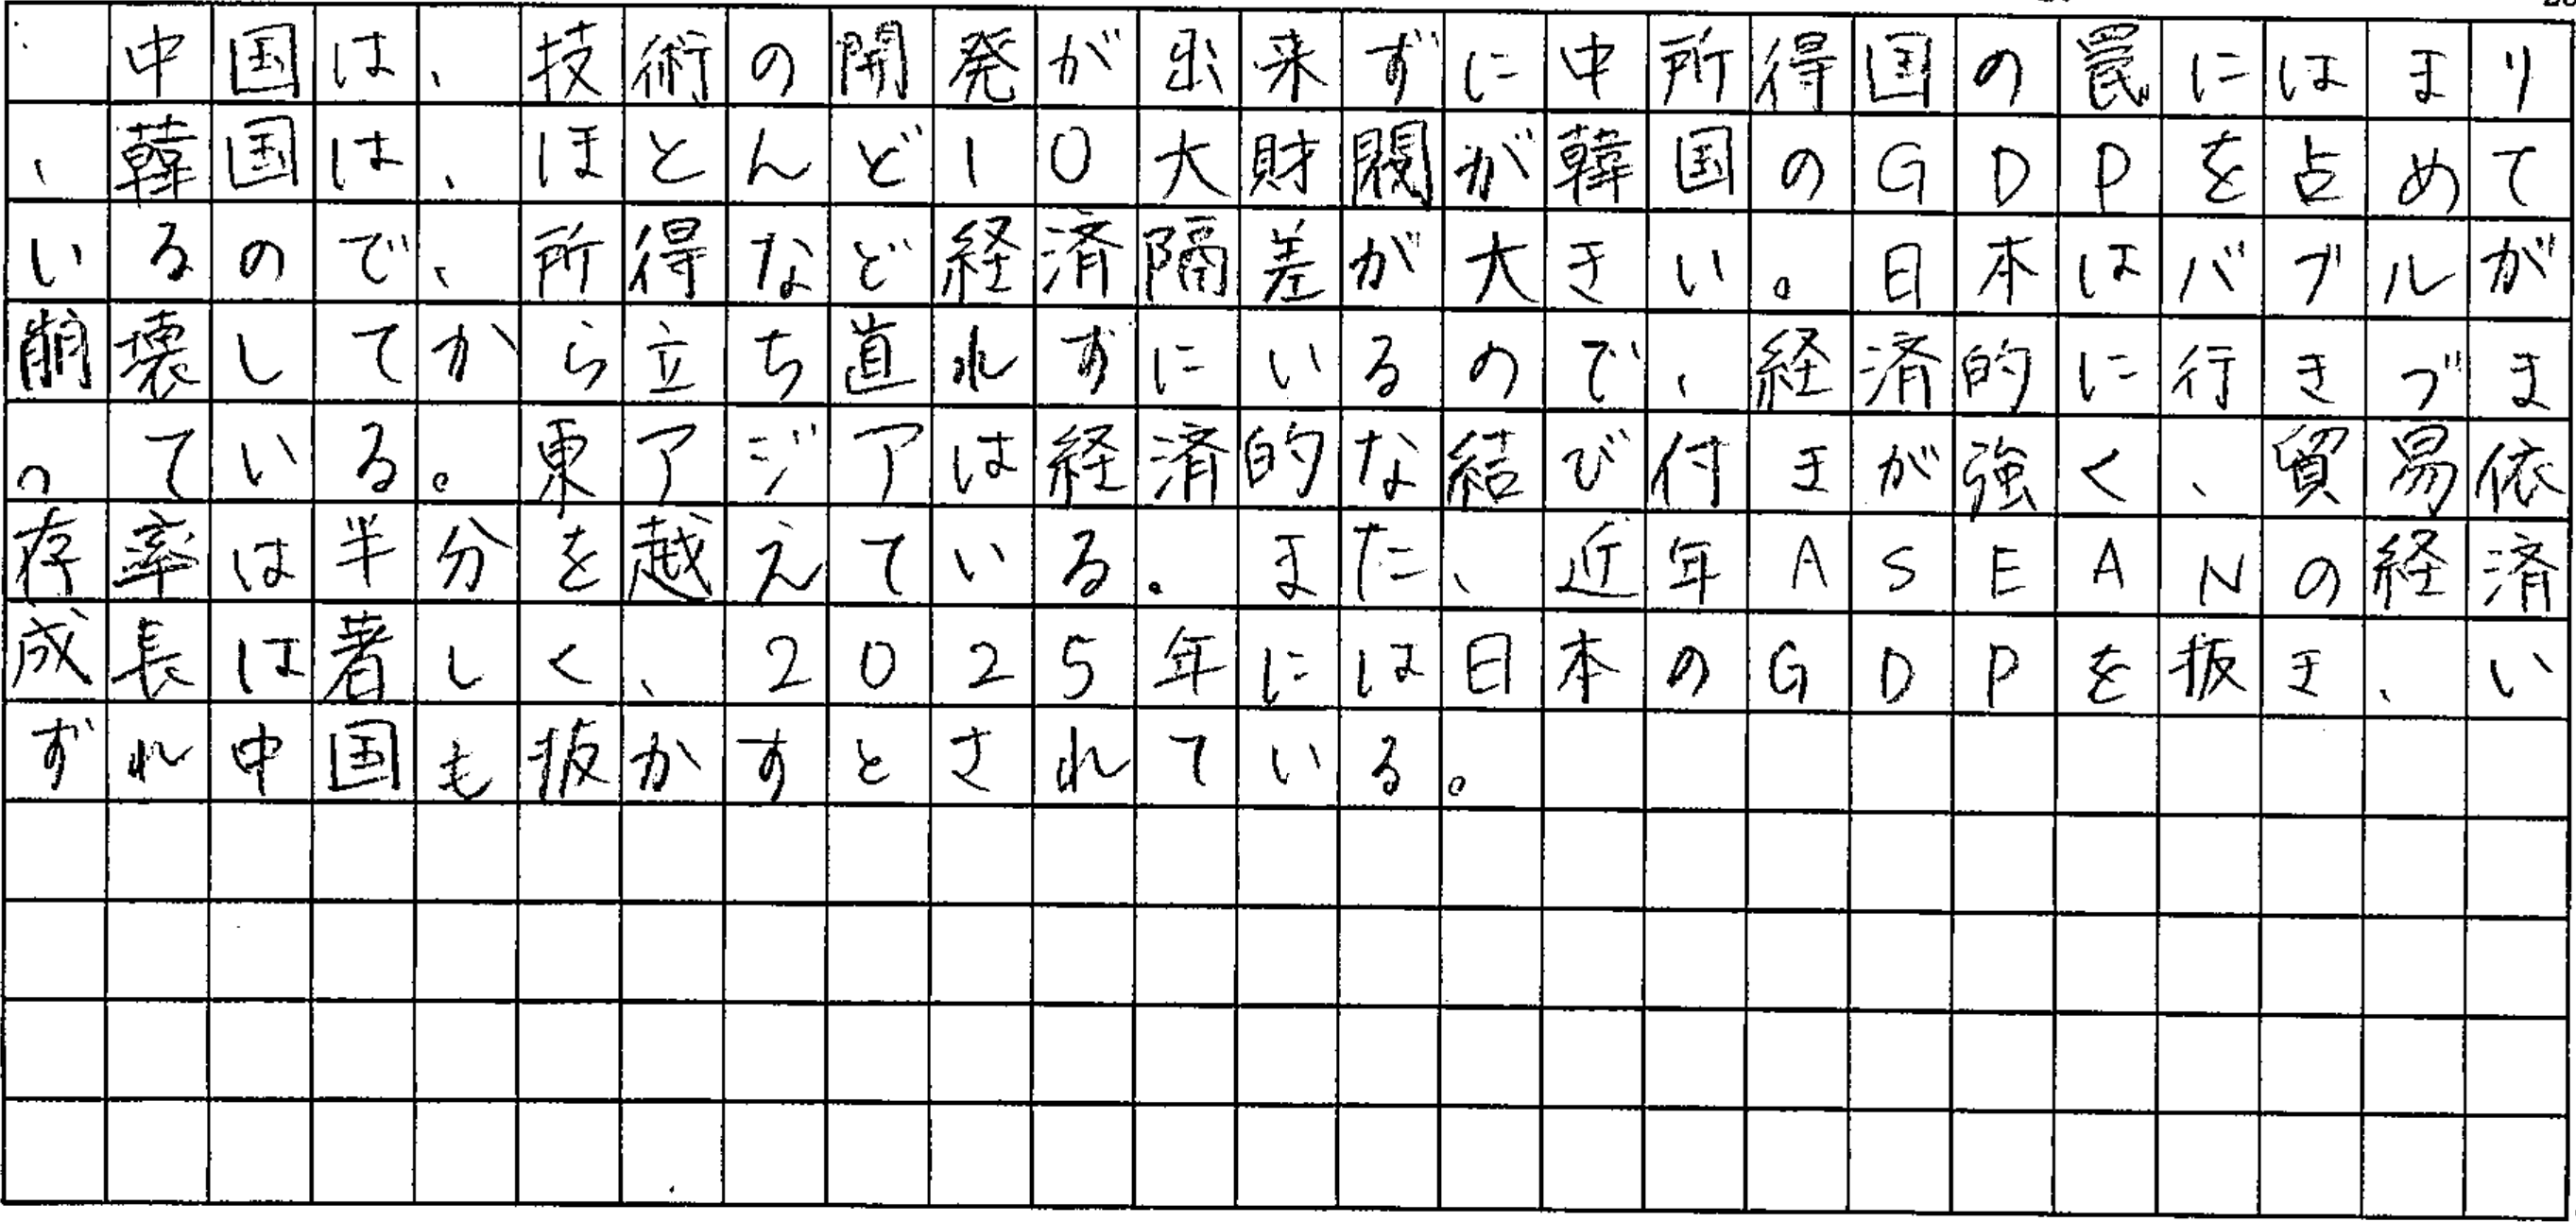　中国は、技術の開発が出来ずに中所得国の罠にはまり、韓国は、ほとんど１０大財閥が韓国のＧＤＰを占めているので、所得など経済隔差が大きい。日本はバブルが崩壊してから立ち直れずにいるので、経済的に行きづまっている。東アジアは経済的な結び付きが強く、貿易依存率は半分を越えている。また、近年ＡＳＥＡＮの経済成長は著しく、２０２５年には日本のＧＤＰを抜き、いずれ中国を抜かすとされている。
